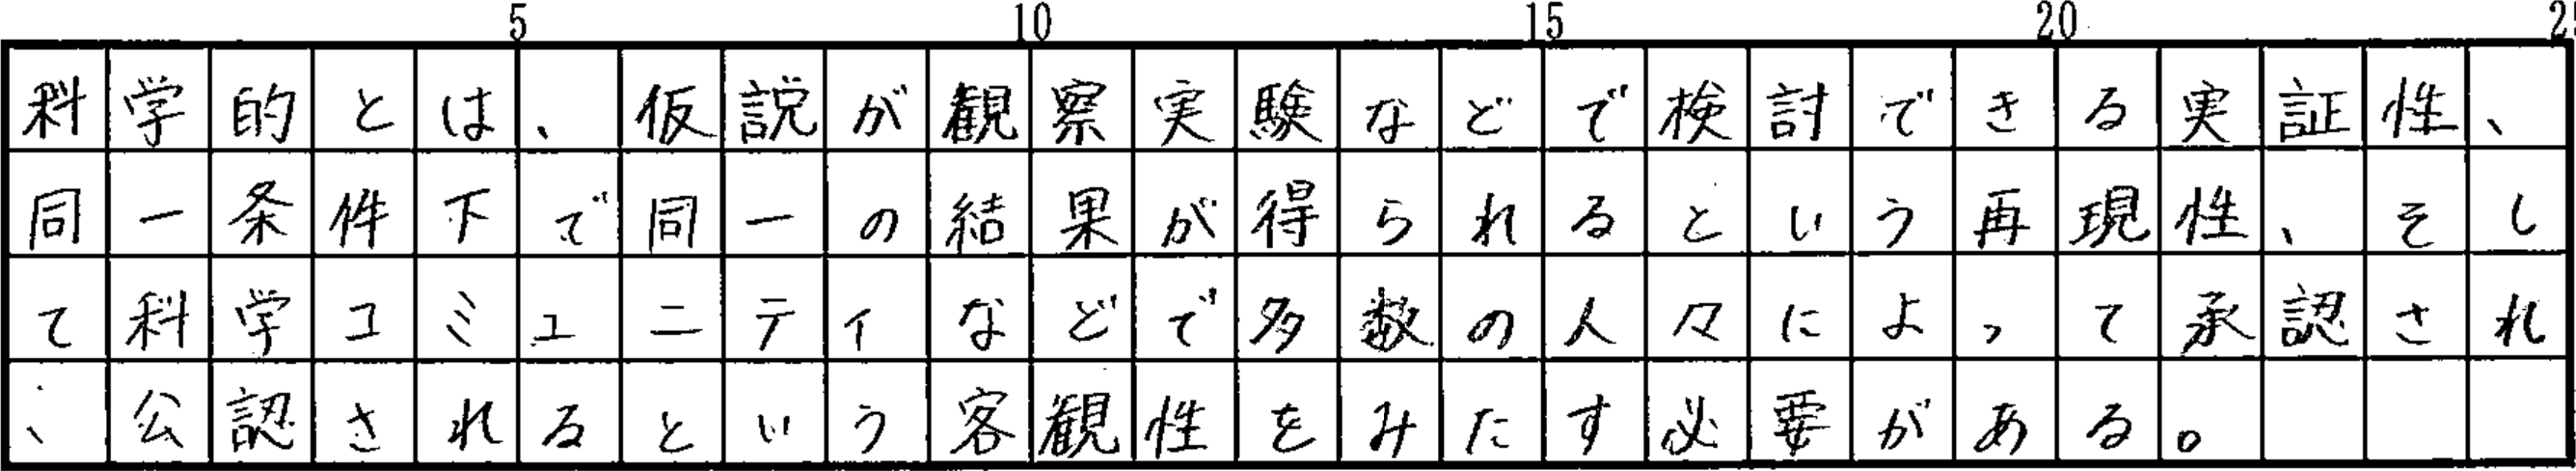科学的とは、仮説が観察実験などで検討できる実証性、同一条件下で同一の結果が得られるという再現性、そして科学コミュニティなどで多数の人々によって承認され、公認されるという客観性をみたす必要がある。
